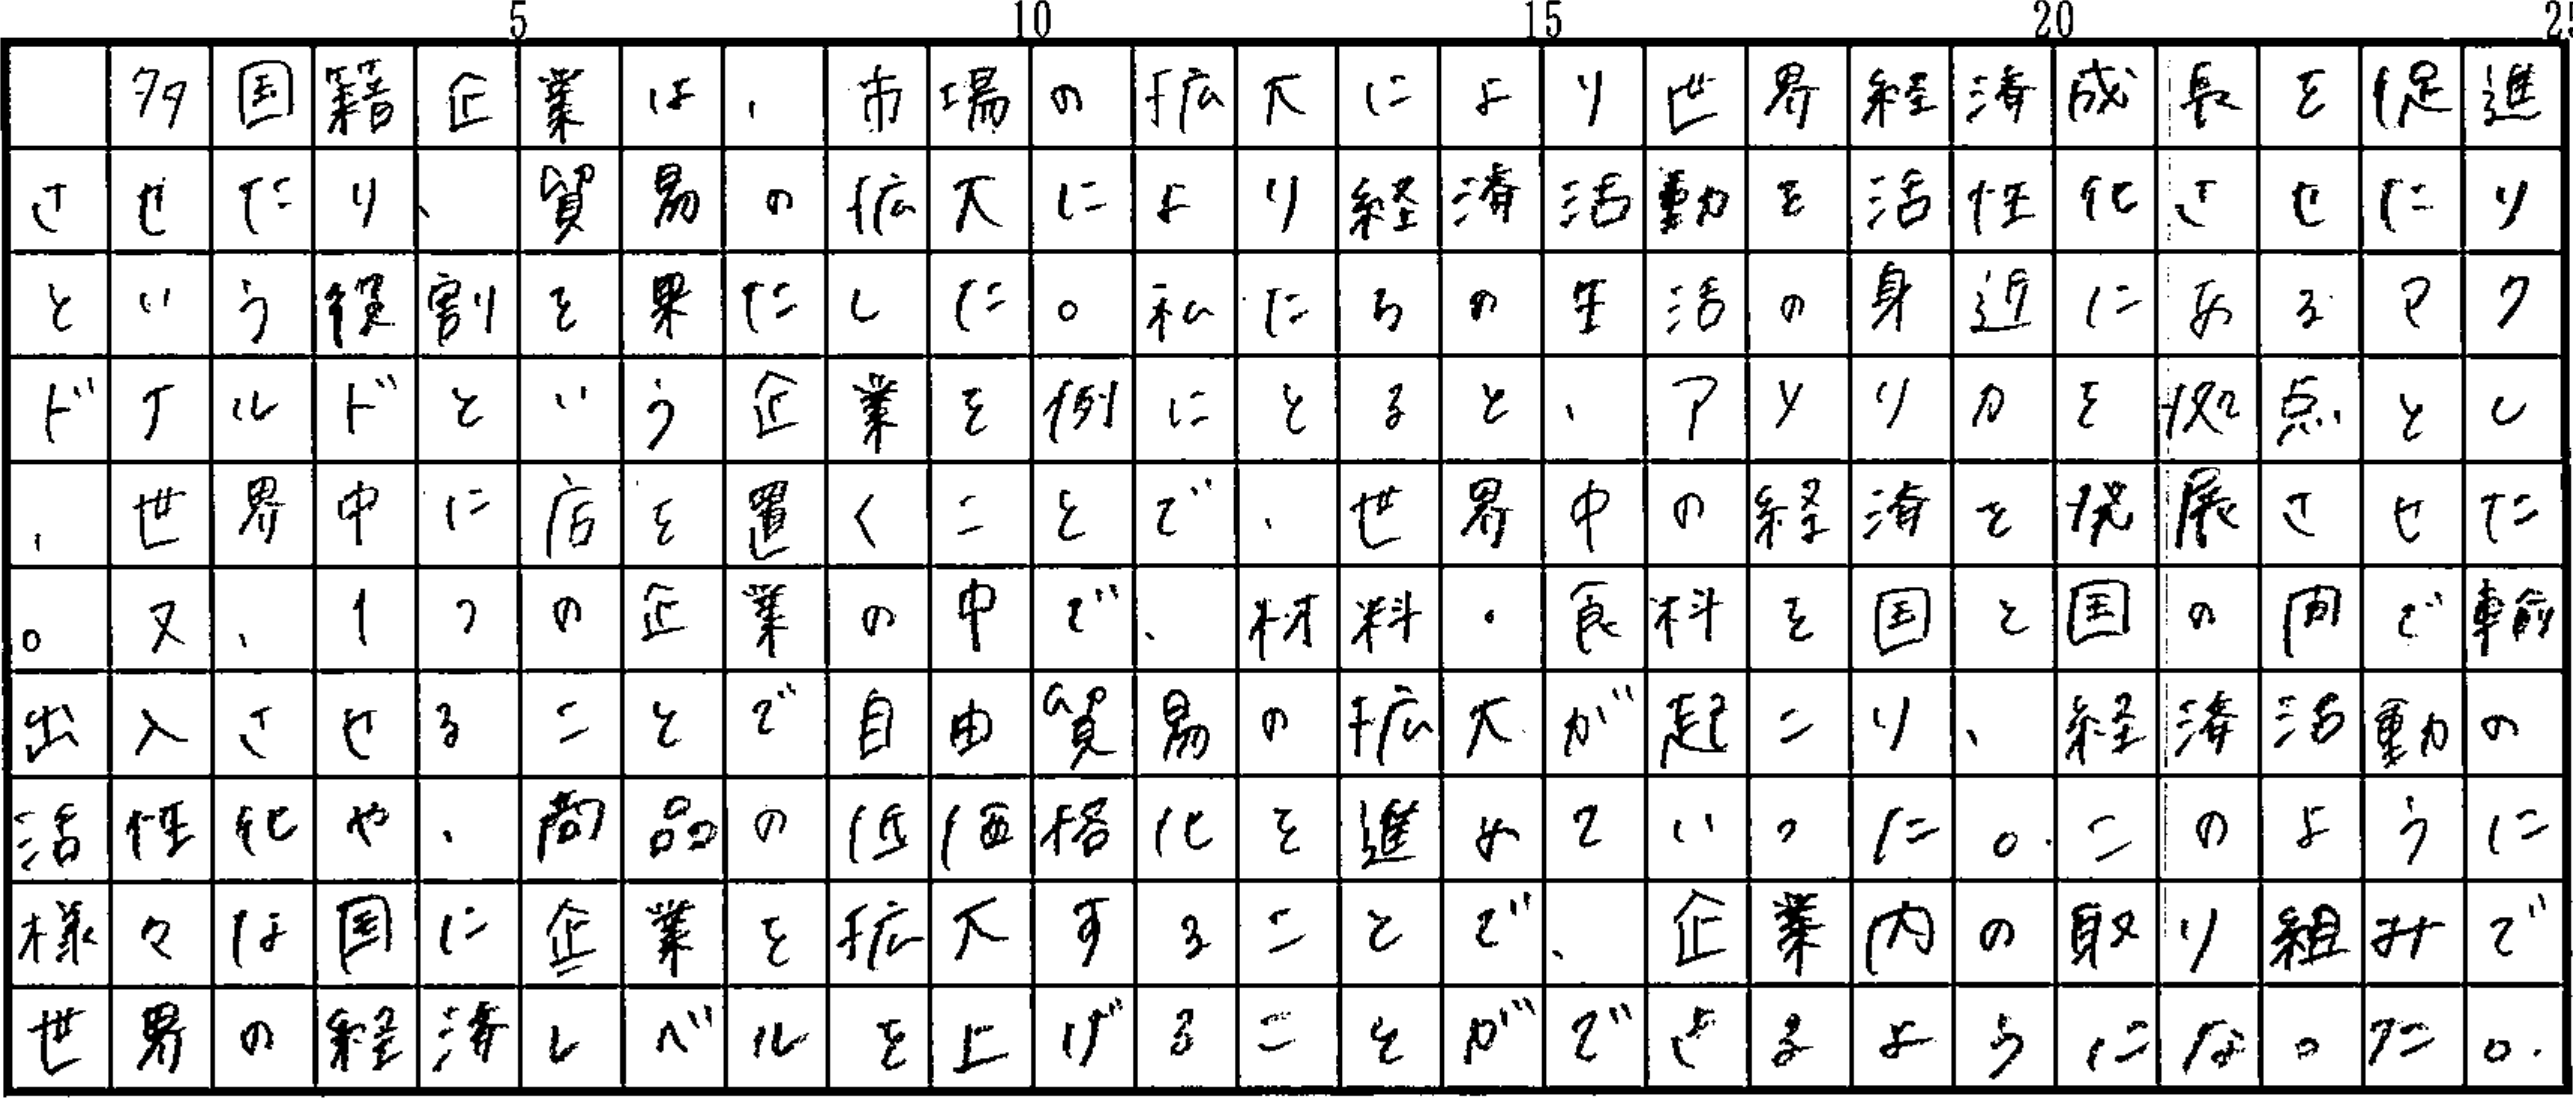　多国籍企業は、市場の拡大により世界経済成長を促進させたり、貿易の拡大により経済活動を活性化させたりという役割を果たした。私たちの生活の身近にあるマクドナルドという企業を例にとると、アメリカを拠点とし、世界中に店を置くことで、世界中の経済を発展させた。又、１つの企業の中で、材料・食料を国と国の間で輸出入させることで自由貿易の拡大が起こり、経済活動の活性化や、商品の低価格化を進めていった。このように様々な国に企業を拡大することで、企業内の取り組みで世界の経済レベルを上げることができるようになった。
